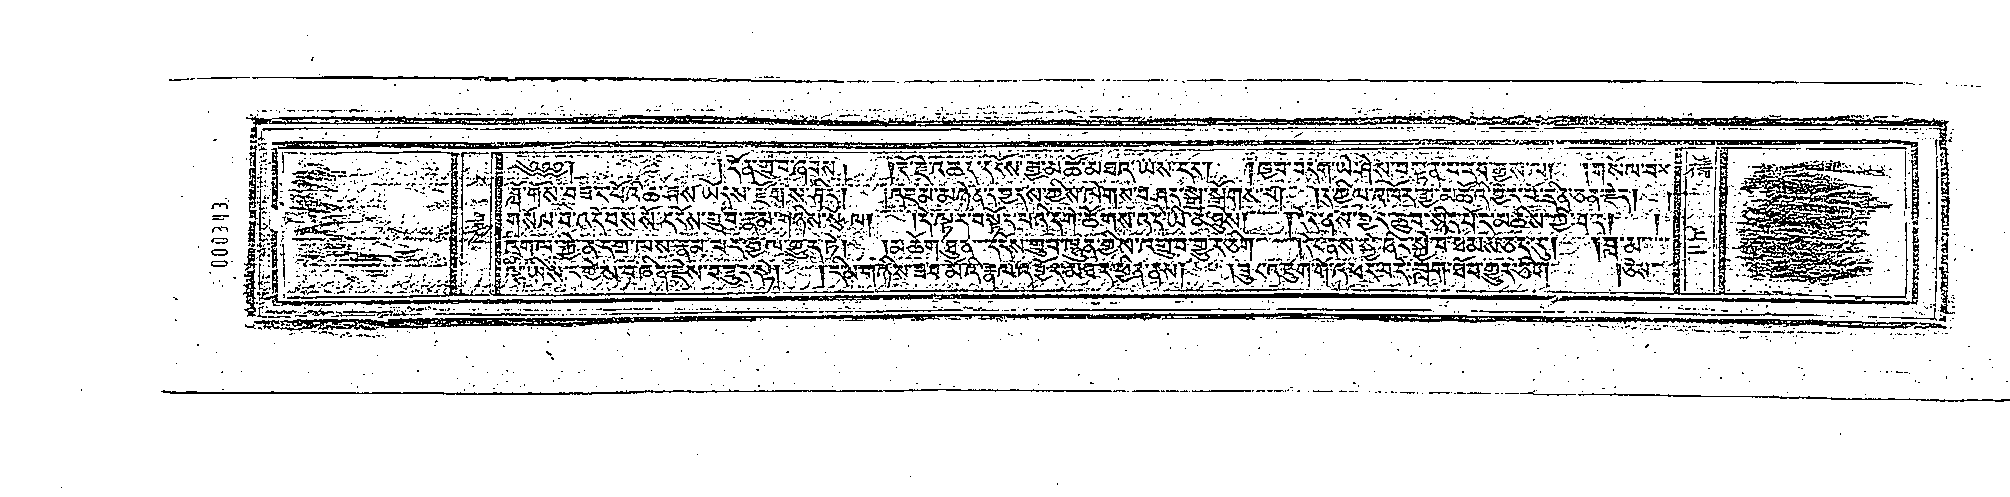༄༅༅། །དོན་གྲུབ་ཞབས། །རྡོ་རྗེ་འཆད་དངོས་རྒྱ་མཚོ་མཐའ་ཡས་དང་། །ཁྱབ་བདག་ཡེ་ཤེས་བསྟན་པ་རབ་རྒྱས་ལ། །གསོལ་བ་྾་
བློ་གྲོས་བཟང་པོའི་ཆ་ཤས་ཡོངས་རྫོགས་ཤིང་། །འཇམ་མཉེན་དབྱངས་ཀྱིས་ལེགས་བཤད་སྒྲ་སྒྲོགས་པ། །དཀྱིལ་འཁོར་རྒྱ་མཚོའི་བྱེད་པོ་དྲིན་ཅན་རྗེད། །
གསོལ་བ་འདེབས་སོ་དངོས་གྲུབ་རྣམ་གཉིས་སྩོལ། །དེ་ལྟར་བསྟོད་པའི་དགེ་ཚོགས་འདི་ཡི་མཐུས། །དེང་ནས་བྱང་ཆུབ་སྙིང་པོར་མཆིས་ཀྱི་བར། །
འགལ་རྐྱེན་དགྲ་ལས་རྣམ་པར་རྒྱལ་གྱུར་ཏེ། །མཆོག་ཐུན་དངོས་གྲུབ་ལྷུན་གྱིས་འགྲུབ་གྱུར་ཅིག །དེང་ནས་སྐྱེ་ཞིང་སྐྱེ་བ་ཐམས་ཅད་དུ། །བླ་མ་
ལྷ་ཡིས་དགྱེས་བཞིན་རྗེས་བཟུང་སྟེ། །རིམ་གཉིས་ཟབ་མོའི་རྣལ་འབྱོར་མཐར་ཕྱིན་ནས། །ཟུང་འཇུག་གོ་འཕང་བདེ་བློག་ཐོབ་གྱུར་ཅིག །ཅེས་